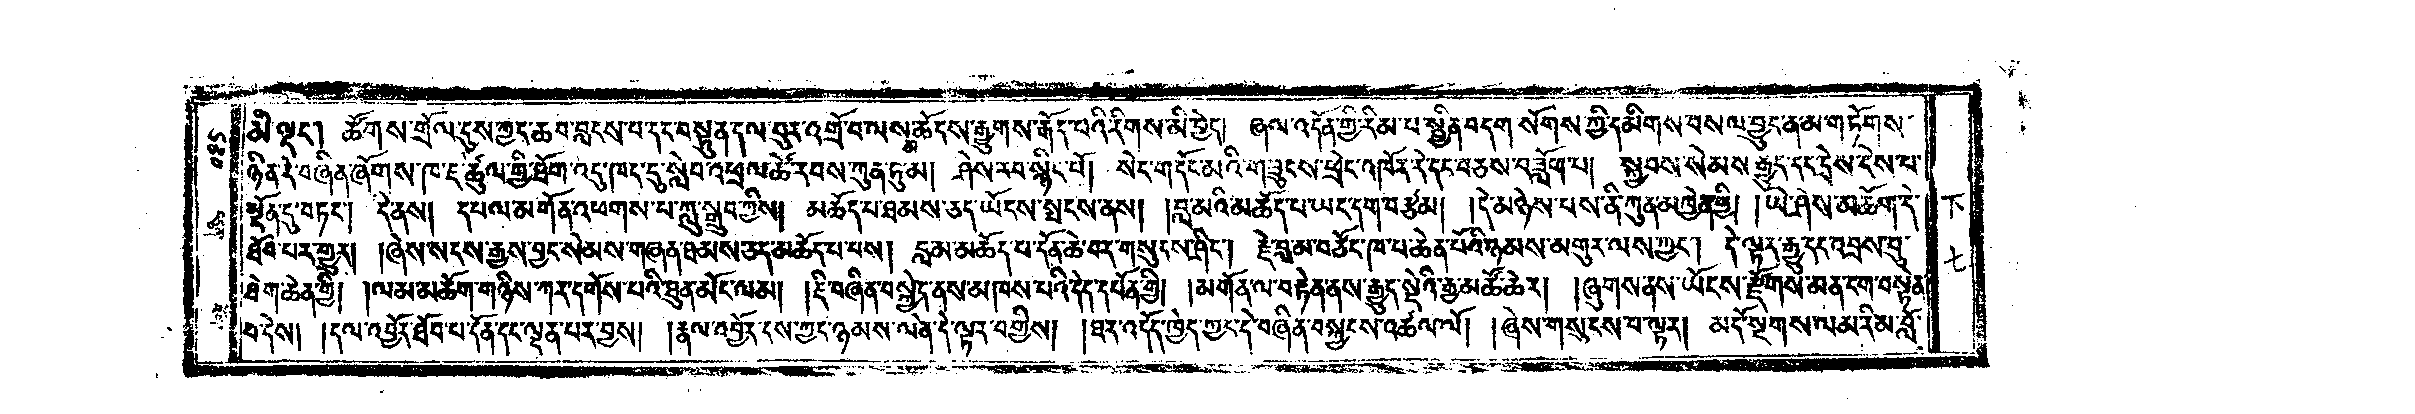མི་ལྡང་། ཚོགས་གྲོལ་དུས་ཀྱང་ཆབ་བླངས་པ་དང་བསྟུན་དལ་བུར་འགྲོ་བ་ལས་མཆོངས་རྒྱུགས་རྒོད་པའི་རིགས་མི་བྱེད། ཞལ་འདོན་གྱི་རིམ་པ་སྦྱིན་བདག་སོགས་ཀྱི་དམིགས་བསལ་བྱུང་ན་མ་གཏོགས་
ཉིན་རེ་བཞིན་ཞོགས་ཁ་ཇ་ཚུལ་གྱི་ཐོག་འདུ་ཁང་དུ་སླེབ་འཕྲལ་ཚེ་རབས་ཀུན་ཏུ་མ། ཤེས་རབ་སྙིང་པོ། སེང་གདོང་མའི་གཟུངས་ཕྲེང་འཁོར་རེ་དང་བཅས་བཟློག་པ། སྐྱབས་སེམས་རྒྱུད་དང་དྲེས་ངེས་པ་
སྔོན་དུ་བཏང་། དེ་ནས། དཔལ་མགོན་འཕགས་པ་ཀླུ་སྒྲུབ་ཀྱིས། མཆོད་པ་ཐམས་ཅད་ཡོངས་སྤངས་ནས། །བླ་མའི་མཆོད་པ་ཡང་དག་བརྩམ། །དེ་མཉེས་པས་ནི་ཀུན་མཁྱེན་གྱི། །ཡེ་ཤེས་མཆོག་དེ་
ཐོབ་པར་གྱུར། །ཞེས་སངས་རྒྱས་བྱང་སེམས་གཞན་ཐམས་ཅད་མཆོད་པ་པས། བླ་མ་མཆོད་པ་དོན་ཆེ་བར་གསུངས་ཤིང་། རྗེ་བླ་མ་བཙོང་ཁ་པ་ཆེན་པོའི་ཉམས་མགུར་ལས་ཀྱང་། དེ་ལྟར་རྒྱུ་དང་འབྲས་བུ་
ཐེག་ཆེན་གྱི། །ལམ་མཆོག་གཉིས་ཀར་དགོས་པའི་ཐུན་མོང་ལམ། །ཇི་བཞིན་བསྐྱེད་ནས་མཁས་པའི་དེད་དཔོན་གྱི། །མགོན་ལ་བརྟེན་ནས་རྒྱུད་སྡེའི་རྒྱ་མཚོ་ཆེར། །ཞུགས་ནས་ཡོངས་རྫོགས་མན་ངག་བསྟེན་
པ་དེས། །དལ་འབྱོར་ཐོབ་པ་དོན་དང་ལྡན་པར་བྱས། །རྣལ་འབྱོར་ངས་ཀྱང་ཉམས་ལེན་དེ་ལྟར་བགྱིས། །ཐར་འདོད་ཁྱེད་ཀྱང་དེ་བཞིན་བསྐྱངས་འཚལ་ལོ། །ཞེས་གསུངས་པ་ལྟར། མདོ་སྔགས་ལམ་རིམ་བློ་